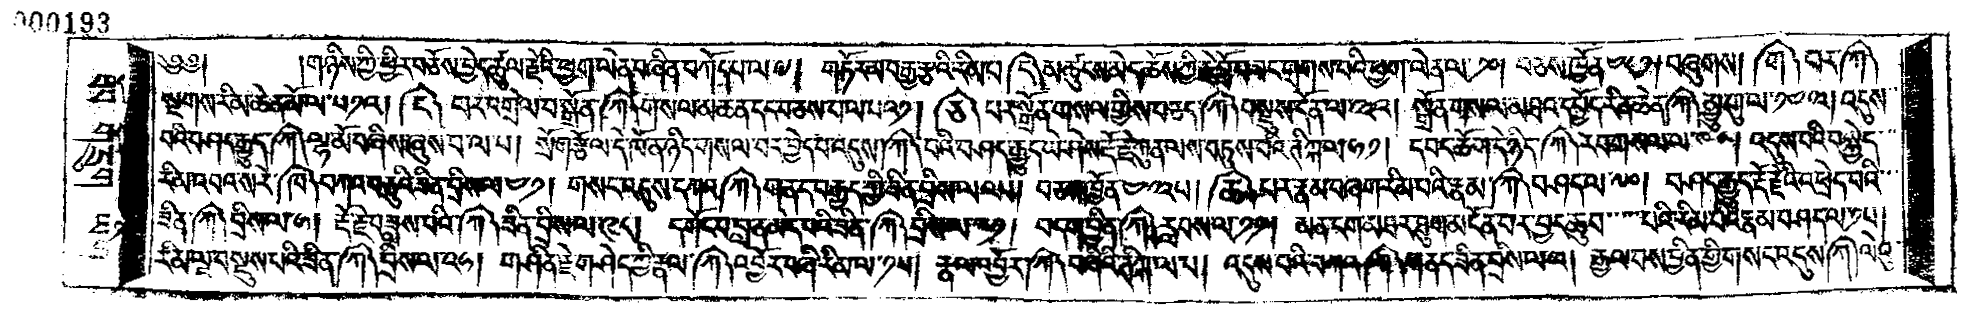༄༅། །གཉིས་ཀྱི་ཕྱིར་བཅོས་བྱེད་ཚུལ་རྗེའི་ཕྱག་ལེན་བཞིན་བཀོད་པ་ལ ༧། གཏོར་མ་བརྒྱ་རྩའི་རིམ་པ ༼ང༽ མཚུངས་མེད་ཆོས་ཀྱི་རྗེ་བློ་བཟང་གྲགས་པའི་ཕྱག་ལེན་ལ ༡༠། བཅས་ཁྱོན ༤༨༡། བཞུགས། ༼ག༽ བར ༼ཀ༽
སྔགས་རིམ་ཆེན་མོ་ལ ༥༡༢། ༼ང༽ པར་འགྲེལ་བ་སྒྲོན ༼ཀ༽ གསལ་མཆན་དང་བཅས་པ་ལ ༥༢༡། ༼ཅ༽ པར་སྒྲོན་གསལ་གྱིས་བཅད ༼ཀ༽ བསྡུས་དོན་ལ ༣༢། སྒྲོན་གསལ་མཐའ་དཔྱོད་རིན་ཆེན ༼ཀ༽ མྱུ་གུ་ལ ༡༤༣། འདུས་
བའི་བཤད་རྒྱུད ༼ཀ༽ ལྷ་མོ་བཞིས་ཞུས་པ་ལ ༥། སྲོག་རྩོལ་དེ་ཁོ་ན་ཉིད་གསལ་བར་བྱེད་པ་འདུས ༼ཀ༽ བའི་བཤད་རྒྱུད་ཡེ་ཤེས་རྡོ་རྗེ་ཀུན་ལས་བཏུས་པའི་ཊིཀྐ་ལ ༡༡། དབང་ཆོག་དེ་ཉིད ༼ཀ༽ རབ་གསལ་ལ ༧༦། འདུས་པའི་བསྐྱེད་
རིམ་འབའ་སེར ༼ཁ༽ བཀའ་བཅུའི་ཟིན་བྲིས་ལ ༤༡། གསང་འདུས་དཀའ ༼ཀ༽ གནད་བརྒྱད་ཀྱི་ཟིན་བྲིས་ལ ༢༥། བཅས་ཁྱོན ༤༣༥། ༼ཆ༽ པར་རྣམ་བཞག་རིམ་པའི་རྣམ ༼ཀ༽ བཤད་ལ ༧༠། བཤད་རྒྱུད་རྡོ་རྗེའི་འཕྲེད་བའི་
ཟིན ༼ཀ༽ བྲིས་ལ ༦། རྡོ་རྗེ་བཟླས་པའི ༼ཀ༽ ཟིན་བྲིས་ལ ༩༨། དགོང་པ་བླ་ན་མེད་པའི་ཟིན ༼ཀ༽ བྲིས་ལ ༣༡། བདག་བྱིན ༼ཀ༽ རླབས་ལ ༡༡། མན་ངག་མཐར་ཐུག་མངོན་པར་བྱང་ཆུབ་པའི་རིམ་པའི་རྣམ་བཤད་ལ ༡༥།
རིམ་ལྔ་བསྡུས་པའི་ཟིན ༼ཀ༽ བྲིས་ལ ༢༦། གཤིན་རྗེ་གཤེད་ཀྱི་རྣལ ༼ཀ༽ འབྱོར་བཞི་རིམ་ལ ༡༥། རྣལ་འབྱོར ༼ཀ༽ བཞིའི་ཊིཀྐ་ལ ༥། འདུས་པའི་བཀའ ༼ཀ༽ གནད་ཟིན་བྲིས་ལ ༣། རྒྱལ་བས་བྱིན་གྱི་གསང་འདུས ༼ཀ༽ ལེའུ་